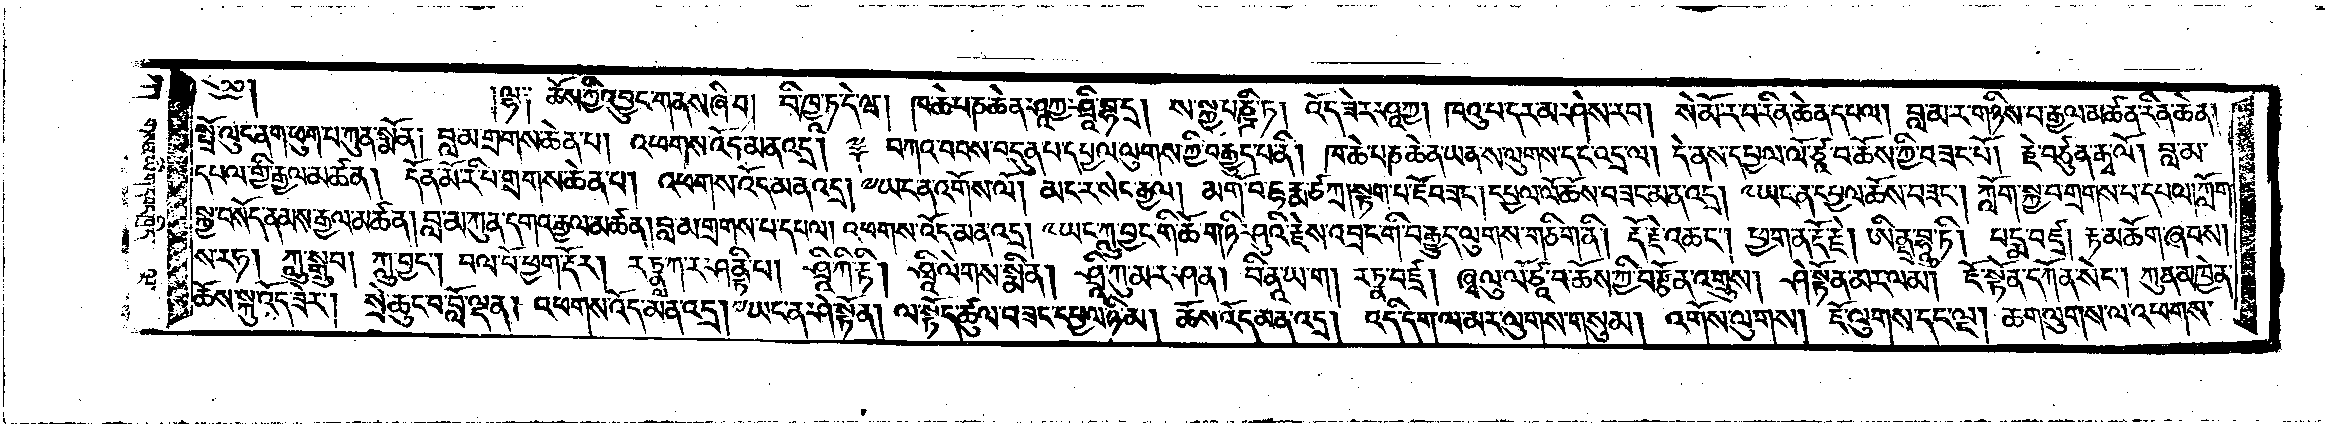༄༅། །ལྷ༑ ཆོས་ཀྱི་འབྱུང་གནས་ཞི་བ། བི་ཁྱཱ་ཏ་དེ་ལྭ། ཁ་ཆེ་པཎ་ཆེན་ཤཱཀྱ་ཤྲཱི་བྷ་དྲ། ས་སྐྱ་པཎྜི་ཏ། འོད་ཟེར་ཤཱཀྱ། ཁའུ་པ་དར་མ་ཤེས་རབ། སེ་མོ་ར་བ་རིན་ཆེན་དཔལ། བླ་མར་གཉིས་པ་རྒྱལ་མཚན་རིན་ཆེན་
སྤྲོ་ལུང་ནག་ཕུག་པ་ཀུན་སྨོན་བླ་མ་གྲགས་ཆེན་པ། འཕགས་འོད་མན་འདྲ། འ་བཀའ་བབས་བདུན་པ་དཔྱལ་ལུགས་ཀྱི་བརྒྱུད་པ་ནི། ཁ་ཆེན་པན་ཆེན་ཡན་ས་ལུགས་དང་འདྲ་ལ། དེ་ནས་དཔལ་ལོ་ཙཱ་བ་ཆོས་ཀྱི་བཟང་པོ། རྗེ་བཙུན་རྒྭ་ལོ། བླ་མ་
དཔལ་གྱི་རྒྱལ་མཚན། དོན་མོ་རི་པ་གྲགས་ཆེན་པ། འཕགས་འོད་མན་འདྲ། ཡང་ན་འགོས་ལོ། མང་ར་སེང་རྒྱལ། མགོ་བས་དྷརྨ་ཙཀྲ། སྟག་པ་ཧོ་བཟང་། དཔྱལ་ལོ་ཆོས་བཟང་མན་འདྲ། ཡང་ན་དཔྱལ་ཆོས་བཟང་། ཀློག་སྐྱབ་གྲགས་པ་དཔལ། ཀློག་
སྐྱ་བསོད་ནམས་རྒྱལ་མཚན། བླ་མ་ཀུན་དགའ་རྒྱལ་མཚན། བླ་མ་གྲགས་པ་དཔལ། འཕགས་འོད་མན་འདྲ། ཡང་ཀླུ་བྱང་གི་ཆོ་གཉི་ཤུའི་རྗེས་འབྲང་གི་བརྒྱུད་ལུགས་གཅིག་ནི། རྡོ་རྗེ་འཆང་། ཕྱག་ན་རྡོ་རྗེ། ཨིནྡྲ་བྷཱུ་ཏི། པདམ་བཛྲ། རྟ་མཆོག་ཞབས།
ས་ར་ཏ། ཀླུ་སྒྲུབ། ཀླུ་བྱང་། བལ་པོ་ཕྱག་རྡོར། རཏྣླ་ཀ་ར་ཤནྟི་པ། ཤྲཱི་ཀི་རྟི། ཤྭཱི་ལེགས་སྨིན། ཤྲཱི་ཀུ་མར་ཤ་ན། བིནཱ་ཡ་ག། རཏྣ་བཛྲ། ཤྭ་ལུ་ལོ་ཙཱ་བ་ཆོས་ཀྱི་བརྩོན་འགྲུས། ཤེ་སྟོན་མར་ལམ། ཇོ་སྟོན་དཀོན་སེང་། ཀུན་མཁྱེན་
ཆོས་སྐུ་འོད་ཟེར། སྲེ་ཆུང་བ་བློ་ལྡན། འཕགས་འོད་མིན་འདྲ། ཡང་ན་ཤེ་སྟོན། ལ་སྟོད་ཚུལ་བཟང་དཔྱལ་ཉི་མ། ཆོས་འོད་མན་འདྲ། འདི་དག་ལ་མར་ལུགས་གསུམ། འགོས་ལུགས། ཇོ་ལུགས་དང་ལྔ། ཆག་ལུགས་ལ་འཕགས་